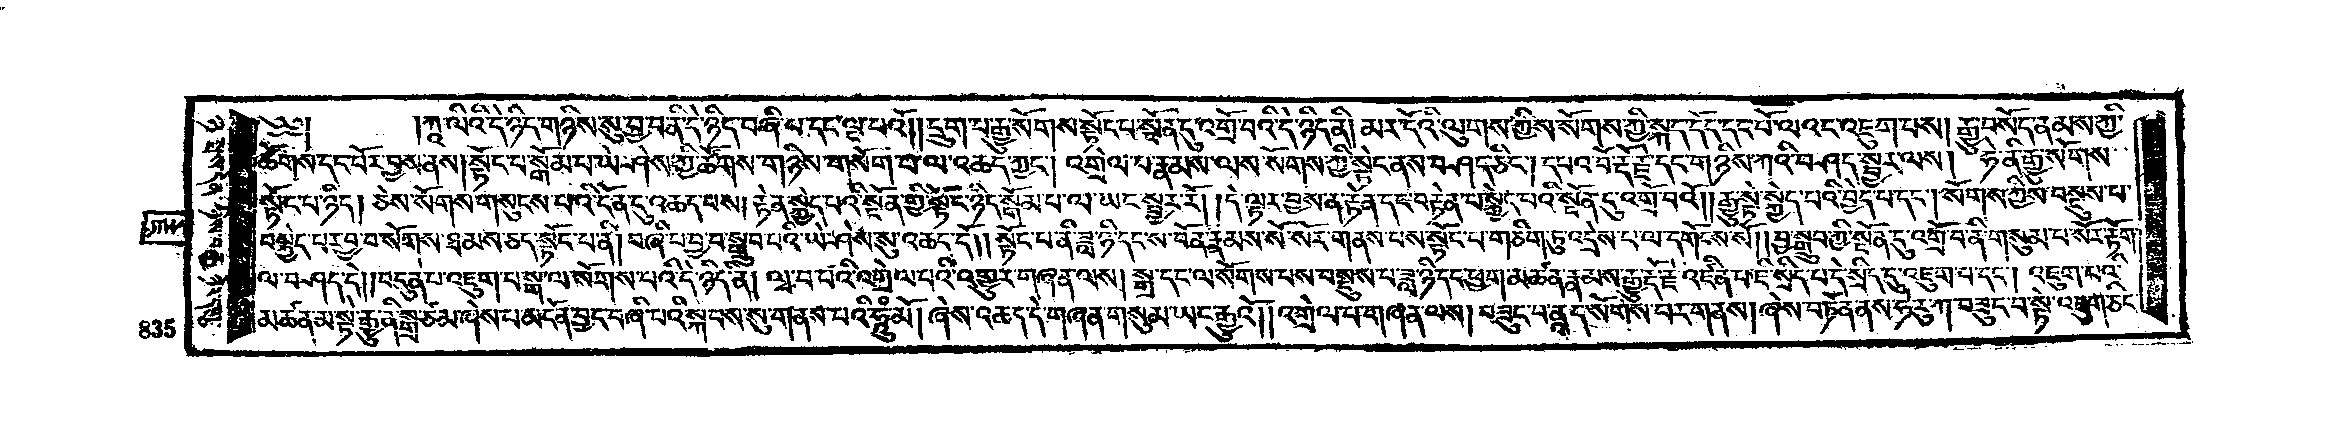༄༅། །ཀཱ་ལིའི་དེ་ཉིད་གཉིས་སུ་བྱ་བ་ནི་དེ་ཉིད་བཞི་པ་དང་ལྔ་པའོ། །དྲུག་པ་རྒྱུ་སོགས་སྟོང་པ་སྔོན་དུ་འགྲོ་བའི་དེ་ཉིད་ནི། མར་དོའི་ལུགས་ཀྱིས་སོགས་ཀྱི་སྐད་དོད་དང་པོ་ལའང་འཇུག་པས། རྒྱུ་བསོད་ནམས་ཀྱི་
ཚོགས་དང་པོར་བྱས་ནས། སྟོང་པ་སྒོམ་པ་ཡེ་ཤེས་ཀྱི་ཚོགས་གཉིས་གསོག་པ་ལ་འཆད་ཀྱང་། འགྲེལ་པ་རྣམས་ལས་སོགས་ཀྱི་སྟེང་ནས་བཤད་ཅིང་། དཔའ་བོ་རྡོ་རྗེ་དང་གཉིས་ཀའི་བཤད་སྦྱར་ལས། ཧེ་ནི་རྒྱུ་སོགས་
སྟོང་པ་ཉིད། ཅེས་སོགས་གསུངས་པའི་དོན་དུ་འཆད་པས། རྟེན་སྐྱེད་པའི་སྔོན་གྱི་སྟོང་ཉིད་སྒོམ་པ་ལ་ཡང་སྦྱར་རོ། །དེ་ལྟར་བྱས་ན་རྟེན་དང་བརྟེན་པ་སྐྱེད་པའི་སྔོན་དུ་འགྲོ་བའོ། །རྒྱུ་སྟེ་སྐྱེད་པའི་བྱེད་པ་དང་། སོགས་ཀྱིས་བསྡུས་པ་
བསྐྱེད་པར་བྱ་བ་སོགས་ཐམས་ཅད་སྟོང་པ་ནི། བཞི་པ་བྱ་བ་སྒྲུབ་པའི་ཡེ་ཤེས་སུ་འཆད་དོ། །སྟོང་པ་ནི་ཟླ་ཉི་དང་ས་བོན་རྣམས་སོ་སོར་གནས་པས་སྟོང་པ་གཅིག་ཏུ་འདྲེས་པ་ལ་དགོངས་སོ། །བྱ་སྒྲུབ་ཀྱི་སྔོན་དུ་འགྲོ་བ་ནི་གསུམ་པ་སོར་རྟོག་
ལ་བཤད་དོ། །བདུན་པ་འཇུག་པ་སྒོ་ལ་སོགས་པའི་དེ་ཉིད་ནི། ལྭ་བ་པའི་འགྲེལ་པའི་འགྱུར་གཞན་ལས། སྒྲ་དང་ལ་སོགས་པས་བསྡུས་པ་ཟླ་ཉི་དང་ཕྱག་མཚན་རྣམས་རྒྱུ་རྡོ་རྗེ་འཛིན་པ་ཇི་སྲིད་པ་དེ་སྲིད་དུ་འཇུག་པ་དང་། འཇུག་པའི་
མཚན་མ་སྟེ་རྒྱུ་ནི་སྒྲ་ཙམ་ཞེས་པ་མངོན་བྱང་བཞི་པའི་སྐབས་སུ་གནས་པའི་ཧཱུཾ་མོ། ཞེས་འཆད་དེ་གཞན་གསུམ་ཡང་རྒྱུའོ། །འགྲེལ་པ་གཞན་ལས། བཟུང་བ་ནཱ་ད་སོགས་པར་གནས། ཞེས་བཏོན་ནས་ཧེ་རུ་ཀ་བཟུང་བ་སྟེ་འཇུག་ཅིང་